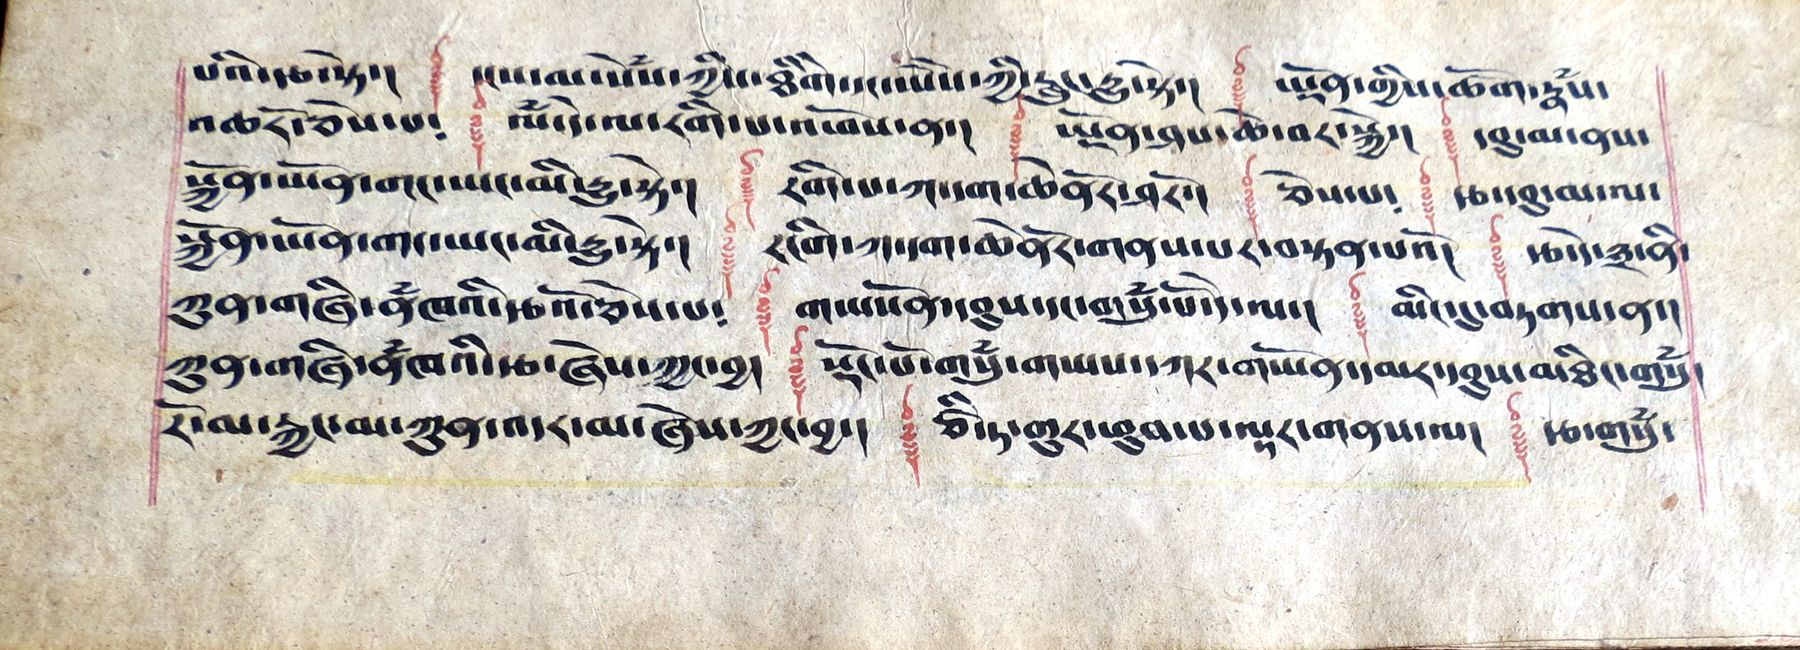པའི་རྩ་སྟེ། དྭངས་མ་སེམས་ཀྱི་ཐིག་ལེ་དང་ཡེ་ཤེས་ཀྱི་རླུང་རྒྱུ་སྟེ། ཡོན་ཏན་གྱི་ཚོགས་རྣམས་
འཆར་རོ། །ཞེས་པས། ལམ་དེ་ལས་རིག་པ་འཕོས་ན། ཡོན་ཏན་ཤས་ཆེ་བར་སྐྱེ། དབུ་མ་ནས་
སྐྱོན་ཡོན་གང་ཡང་མི་རྒྱུ་སྟེ། རིག་པ་ཀ་དག་ཆེན་པོར་ཤར་རོ། །ཞེས་པས། རྩ་དབུ་མ་ལ་
སྐྱོན་ཡོན་གང་ཡང་མི་རྒྱུ་སྟེ། རང་རིག་ཀ་དག་ཆེན་པོར་གནས་པར་བསྟན་པའོ། །རྩ་དེ་གསུམ་ནི་
ཀུན་གཞི་ནམ་མཁའི་རྩའོ། །ཞེས་པས། གཡས་གཡོན་དབུ་མ་དང་གསུམ་པོ་དེ་ལ། མིང་དུ་བཏགས་ན་
ཀུན་གཞི་ནམ་མཁའི་རྩ་ཞེས་ཀྱང་བྱ། སྡོང་པོ་གསུམ་གཡས་དཀར་གཡོན་དམར་དབུས་མཐིང་གསུམ། 
རོ་མ་རྐྱང་མ་ཀུན་འདར་མ་ཞེས་ཀྱང་བྱའོ། །ཙི་ཏ་གུར་ཕུབ་པ་ལྟར་གནས་ལ། རྩ་གསུམ་